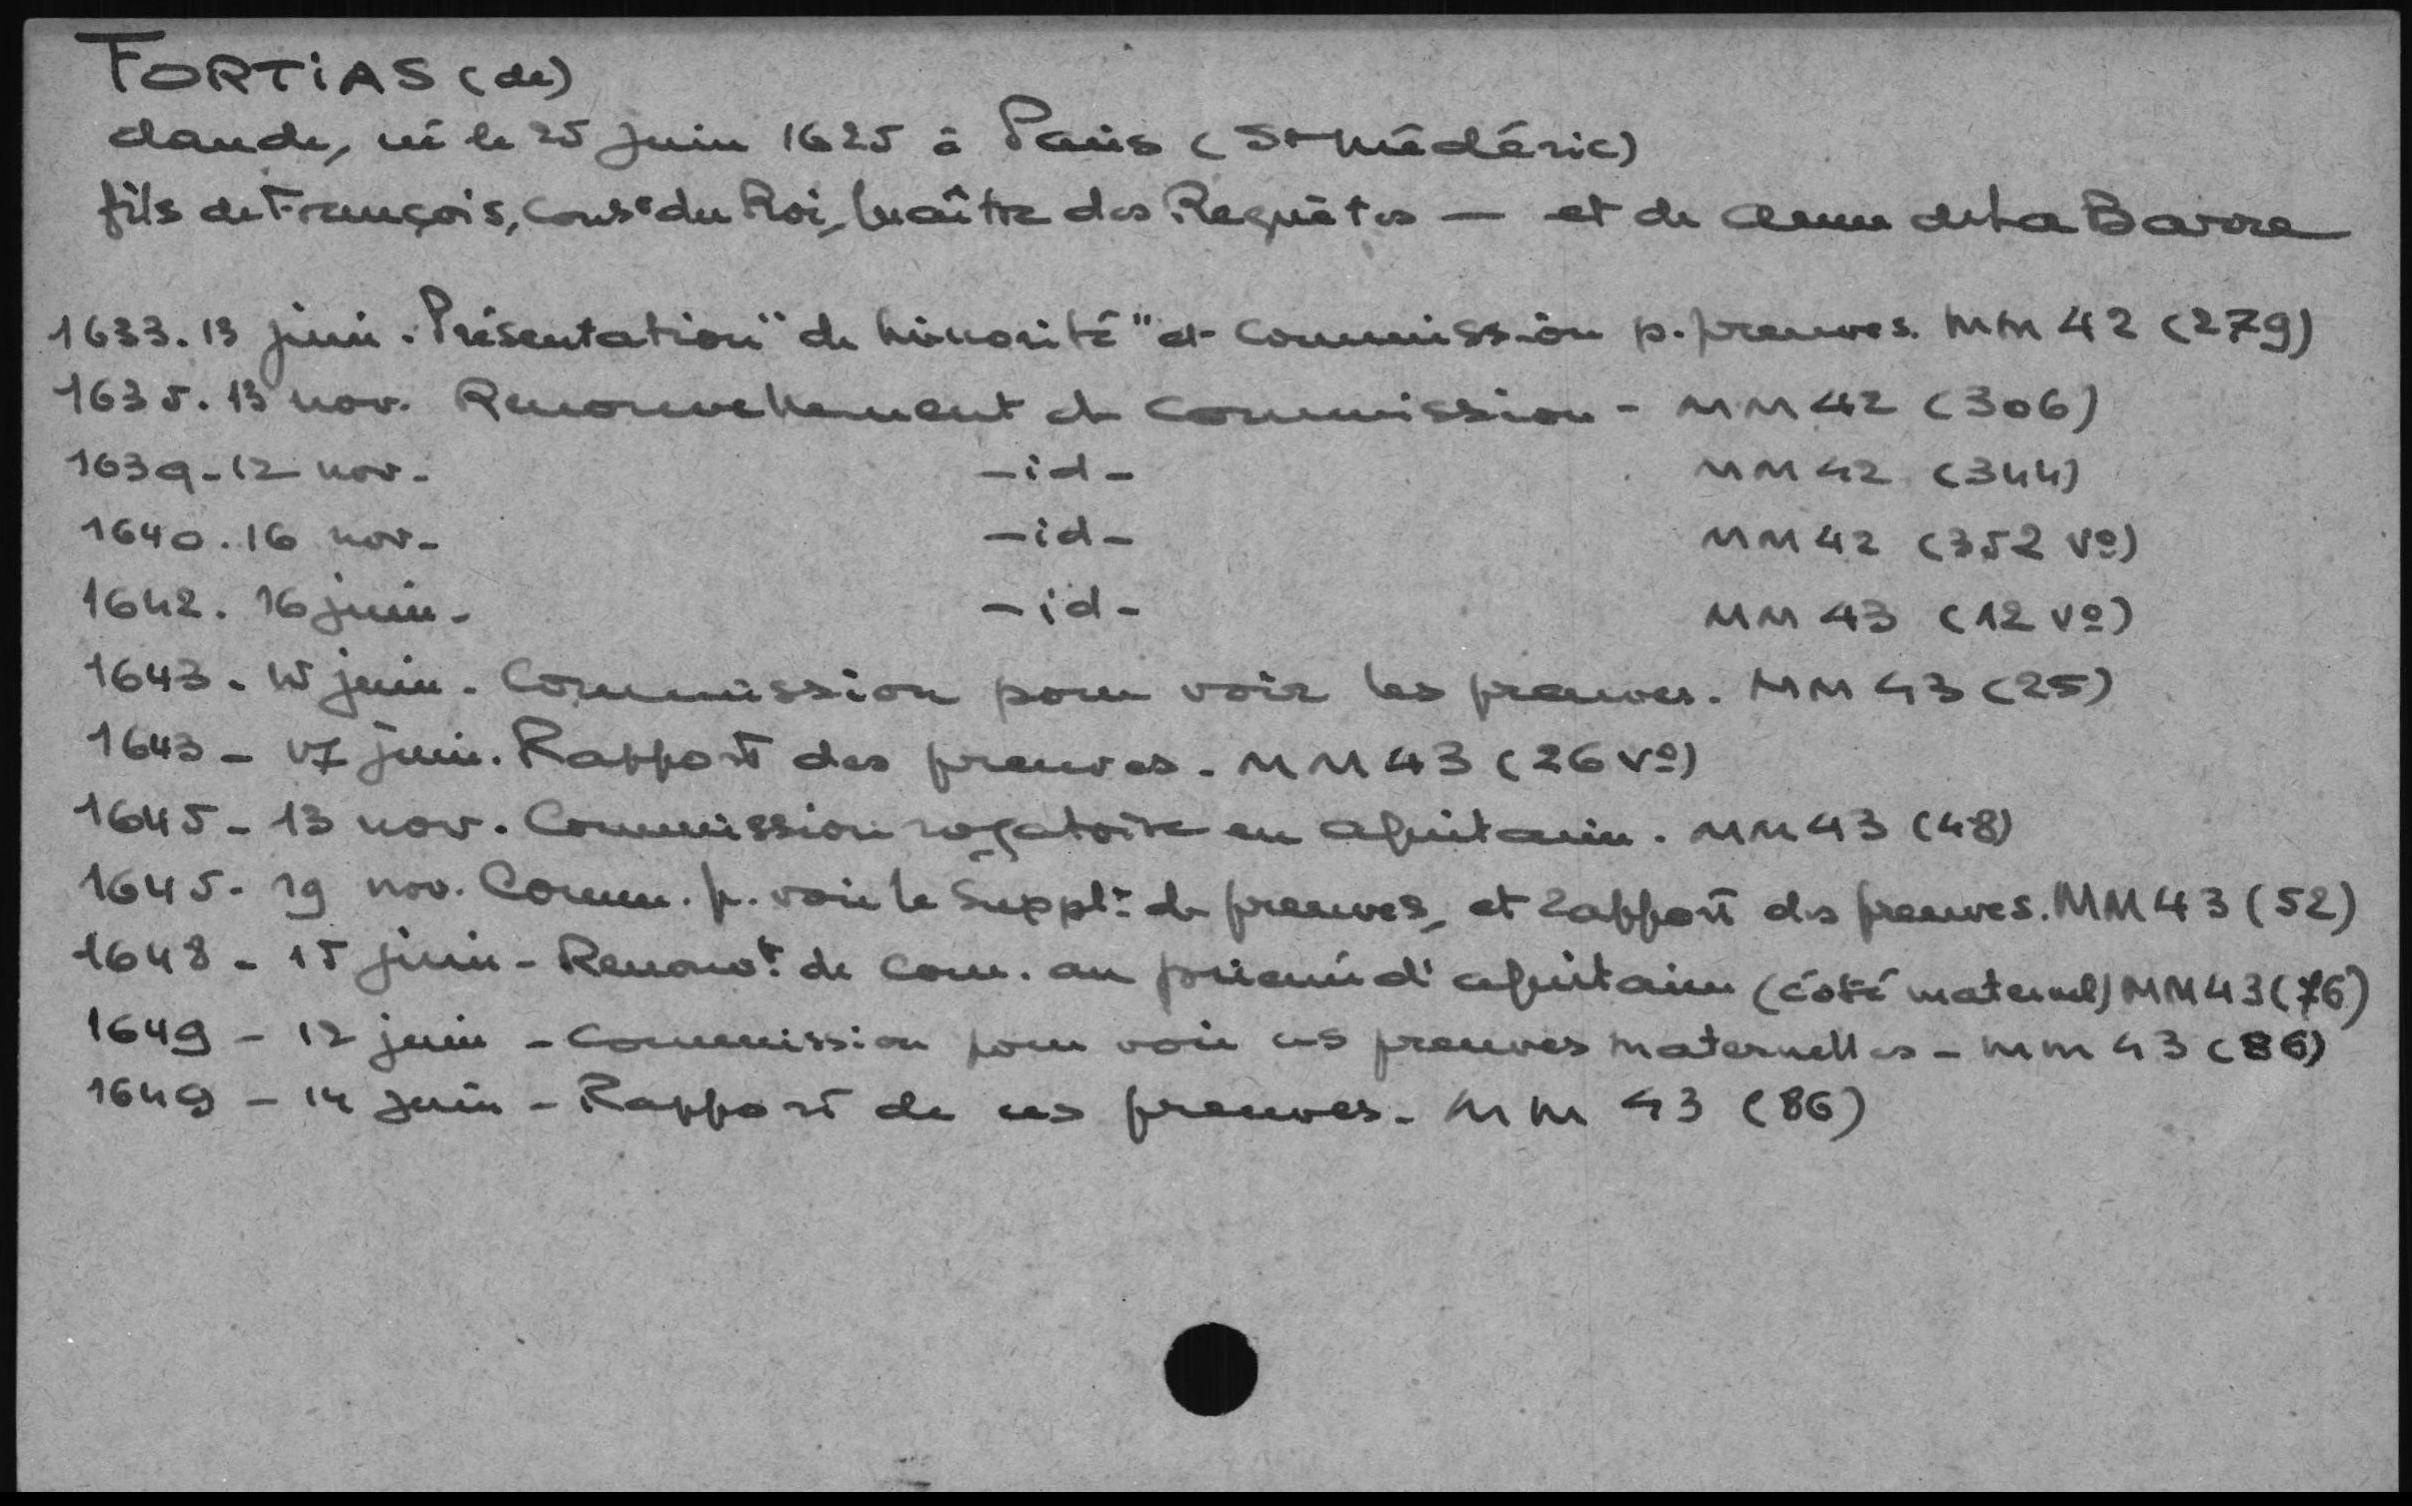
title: FORTIAS (de) Claude, né le 25 juin 1625 à Paris (Saint Médéric) fils de François, conseiller du Roi, maître des Requêtes, et de Anne de La Barre
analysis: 1633, 13 juin. Présentation "de minorité" et commission pour preuves. MM 42 (279) 1635, 13 novembre Renouvellement de commission. MM 42 (306) 1639, 12 novembre - idem - MM 42 (344) 1640, 16 novembre - idem - MM 42 (352v) 1642, 16 juin. - idem - MM 43 (12v) 1643, 15 juin. Commission pour voir les preuves. MM 43 (25) 1643, 17 juin. Rapport des preuves. MM 43 (26v) 1645, 13 novembre Commission rogatoire en Aquitaine. MM 43 (48) 1645, 19 novembre Commission pour voir le supplément de preuves, et rapport des preuves. MM 43 (52) 1648, 15 juin. Renouvellement de commission au prieuré d'Aquitaine (côté maternel) MM 43 (76) 1649, 12 juin. Commission pour voir les preuves maternelles. MM 43 (86) 1649, 14 juin. Rapport de ces preuves. MM 43 (86)
